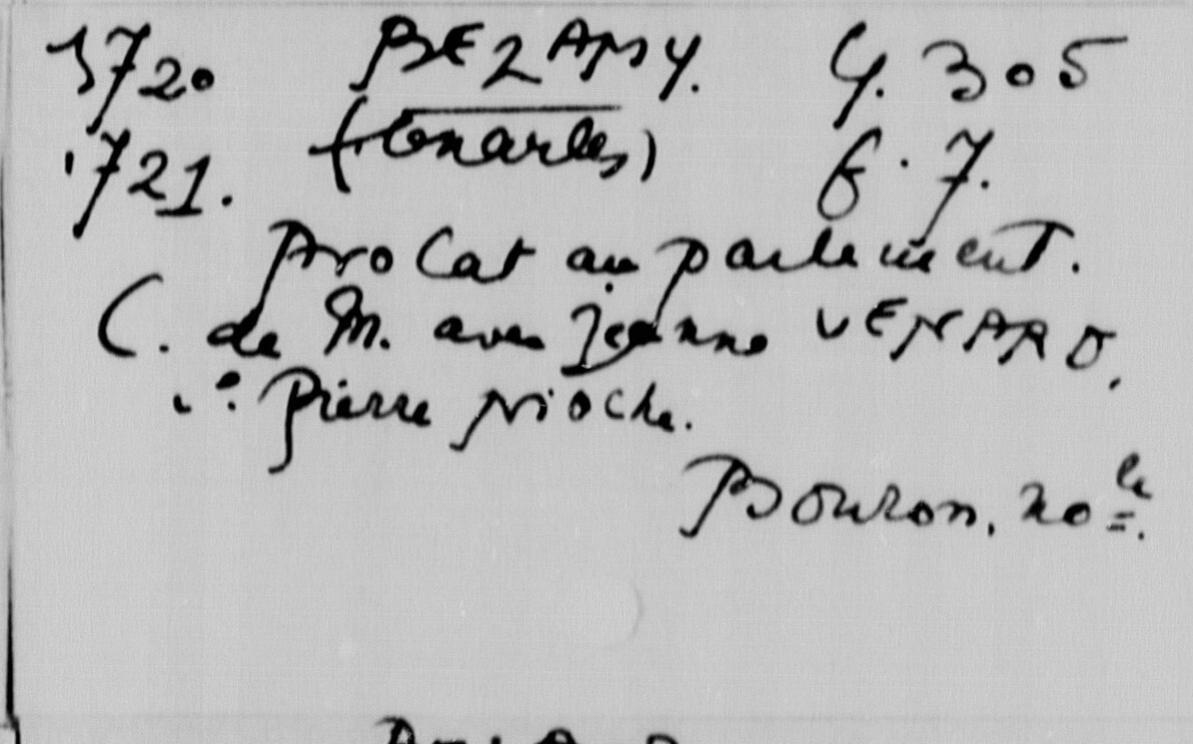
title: BELAMY (Charles)
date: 1720-1721
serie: Y
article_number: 305
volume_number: fol. 7
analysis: Avocat au Parlement. Contrat de mariage avec Jeanne VENARD, veuve Pierre Nioche Bouron, notaire.
